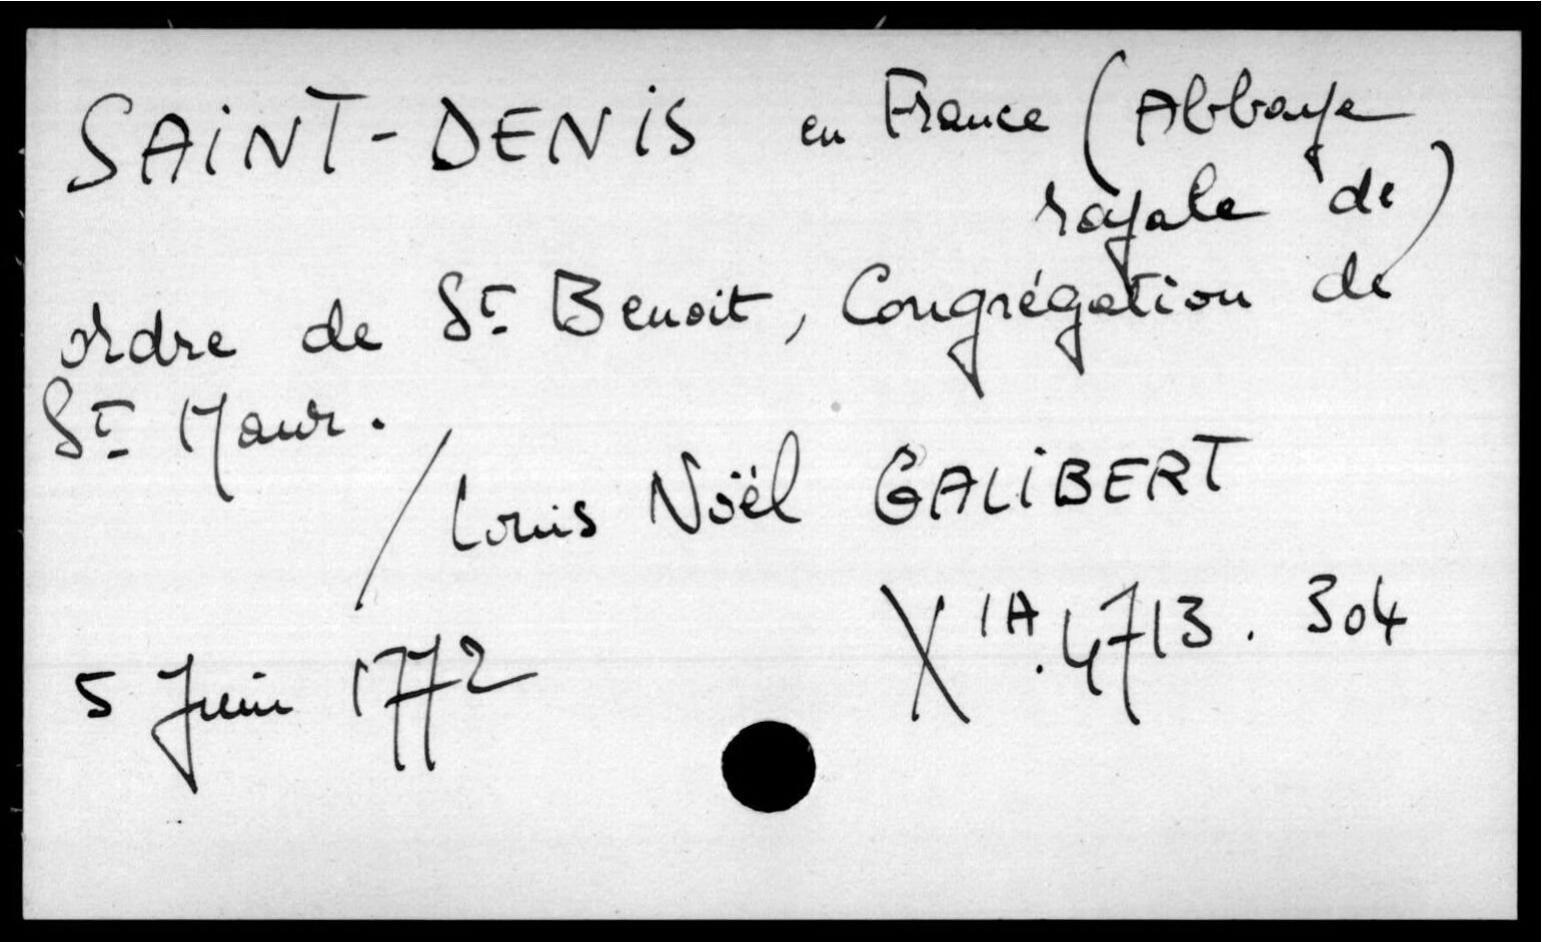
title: SAINT-DENIS en France (Abbaye royale de) ordre de Saint-Benoit, congrégation de Saint Maur.
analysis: Contre Louis Noël GALIBERT
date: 5 juin 1772
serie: X1A
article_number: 4713
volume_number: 304
